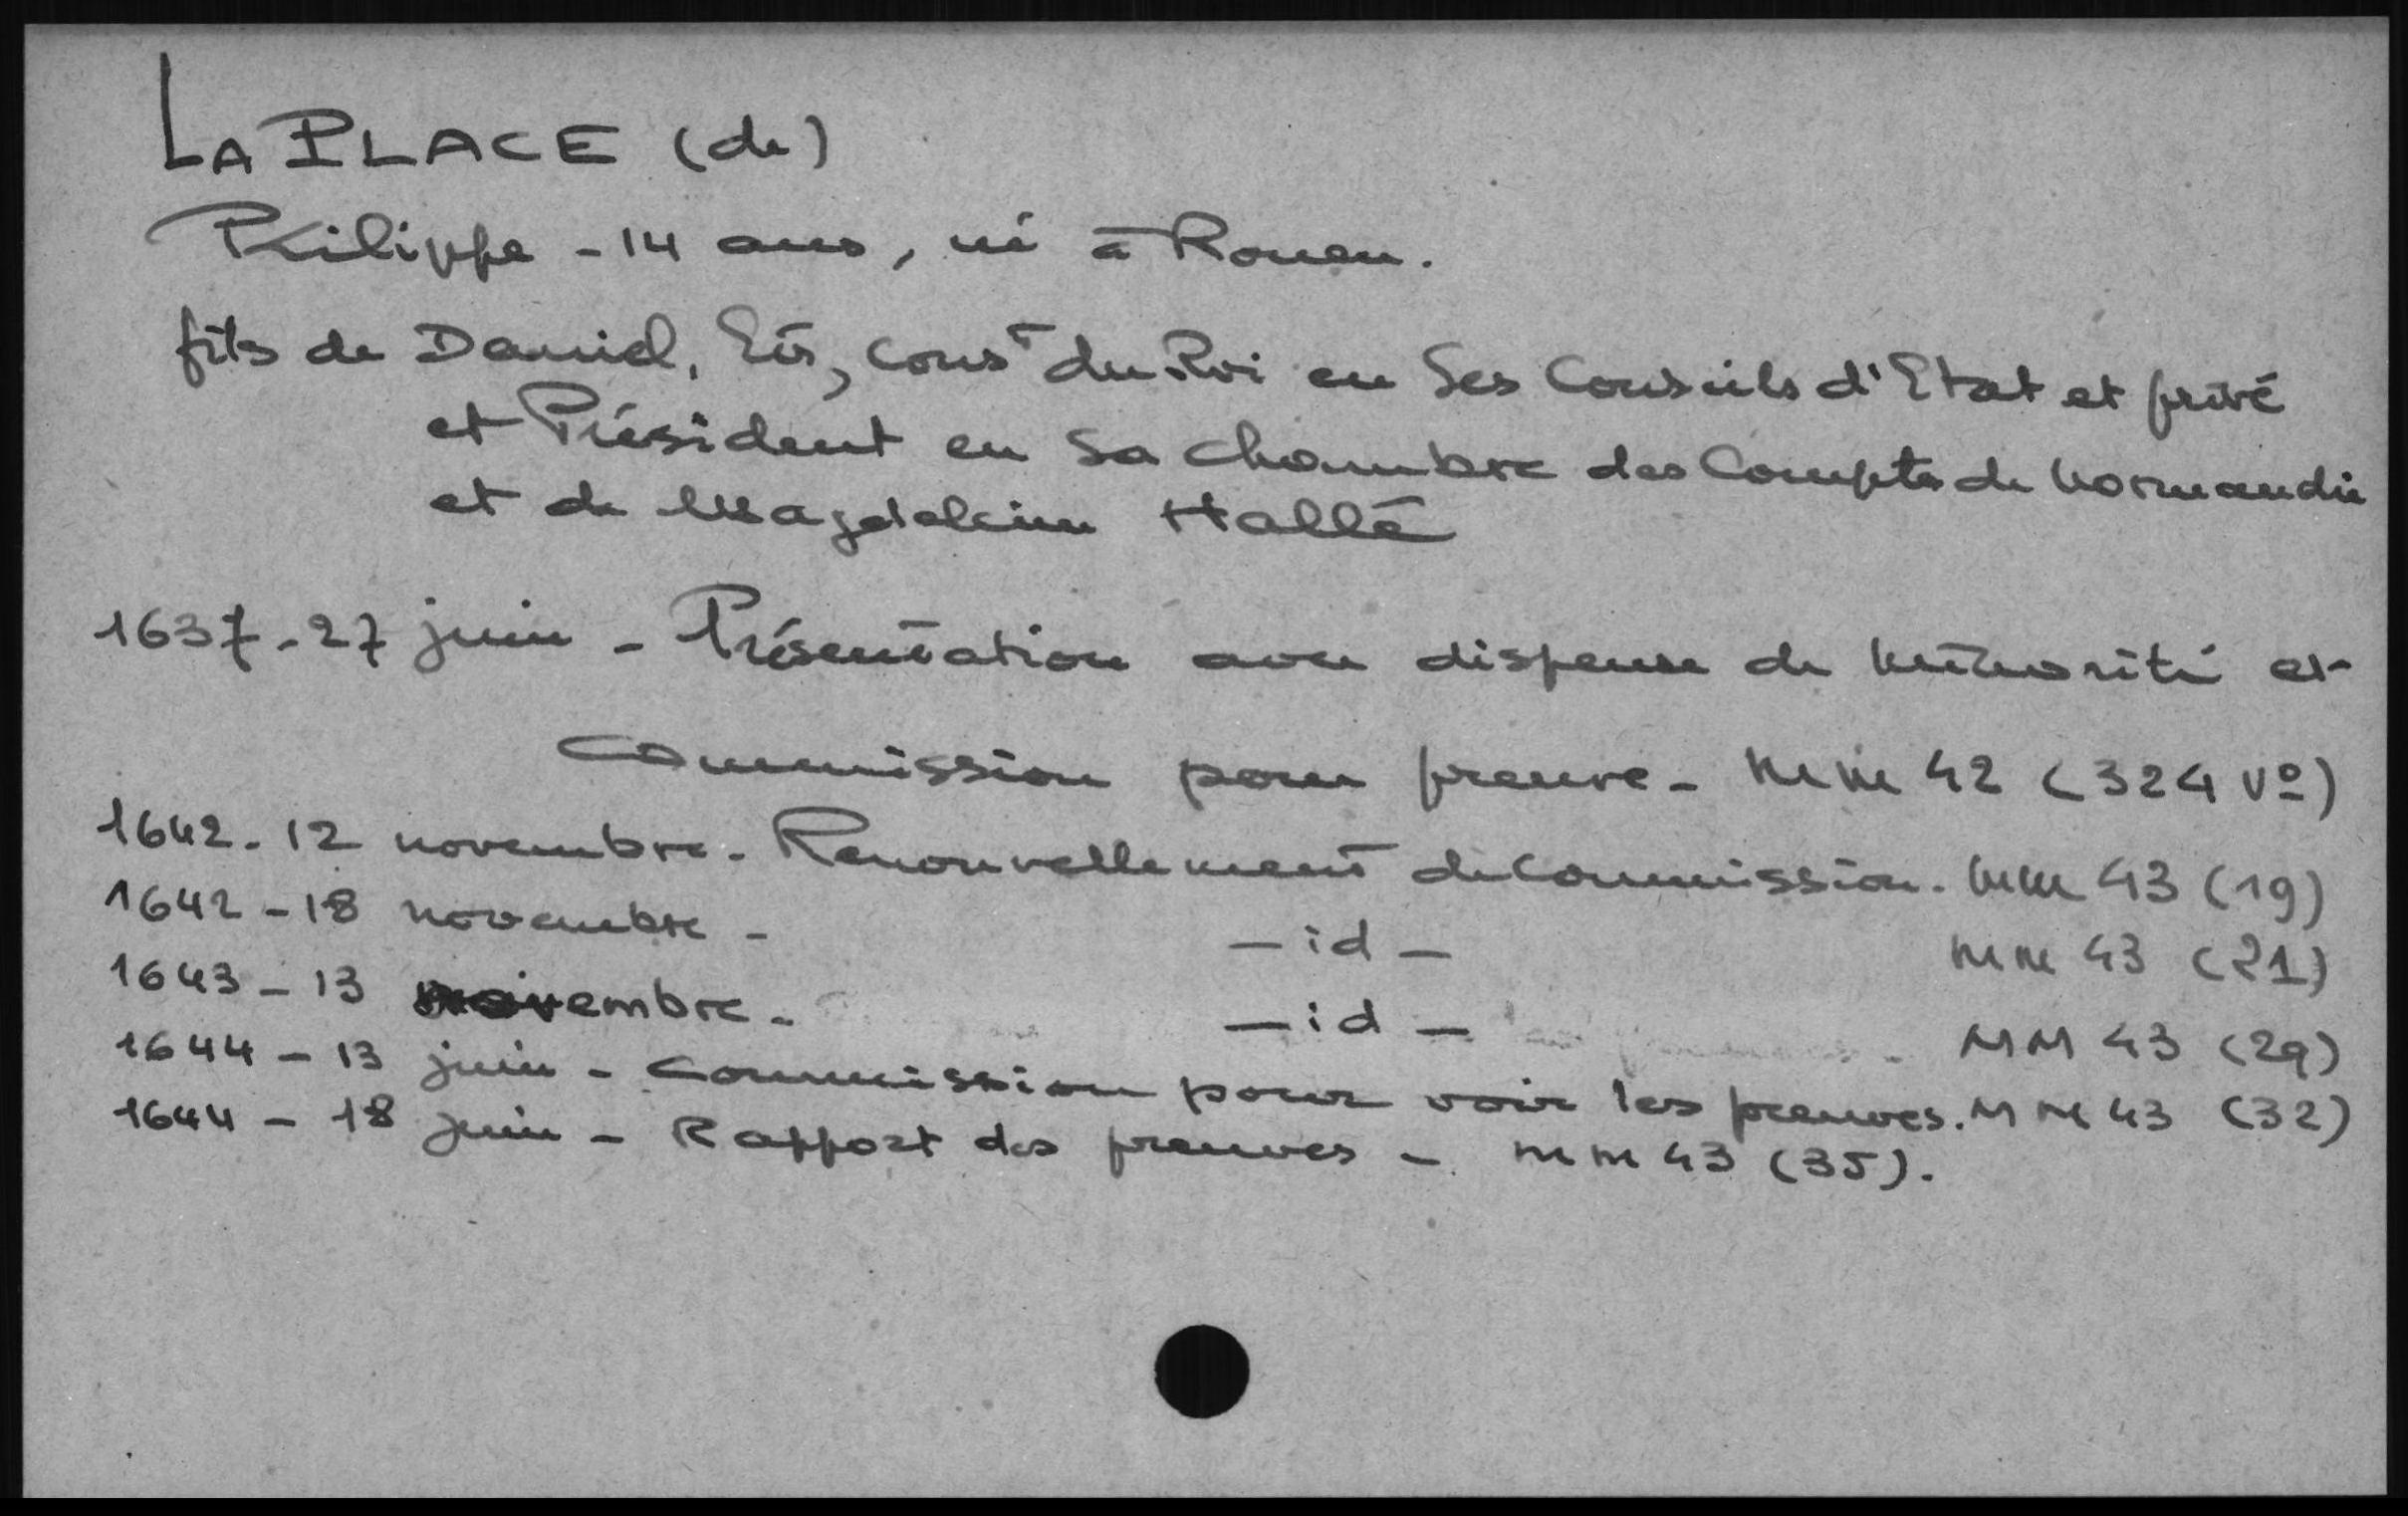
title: LA PLACE (de) Philippe, 14 ans, né à Rouen fils de Daniel, écuyer, conseiller du Roi en ses conseils d'Etat et privé et Président en sa Chambre des Comptes de Normandie et de Magdeleine Hallé
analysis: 1637, 27 juin. Présentation avec dispense de minorité et commission pour preuve. MM 42 (324v) 1642, 12 novembre. Renouvellement de commission. MM 43 (19) 1642, 18 novembre. - id - MM 43 (21) 1643, 13 novembre. - id - MM 43 (29) 1644, 13 juin. Commission pour voir les preuves. MM 43 (32) 1644, 18 juin. Rapport des preuves. MM 43 (35)
